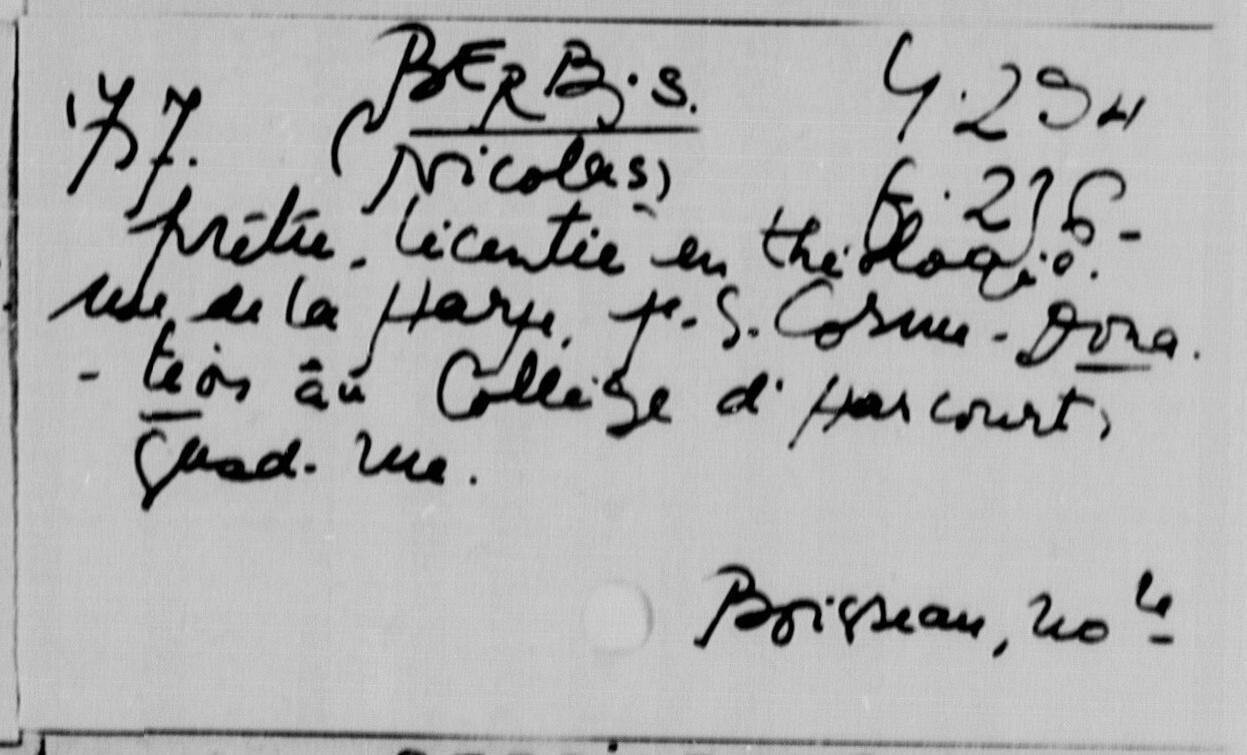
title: BERBIS (Nicolas)
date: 1707
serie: Y
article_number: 294
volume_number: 236
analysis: Prêtre-Licencié en théologie, rue de la Harpe, paroisse Saint Cosme. Donation au Collège d'Harcourt) susdite rue. Boisseau, notaire.
